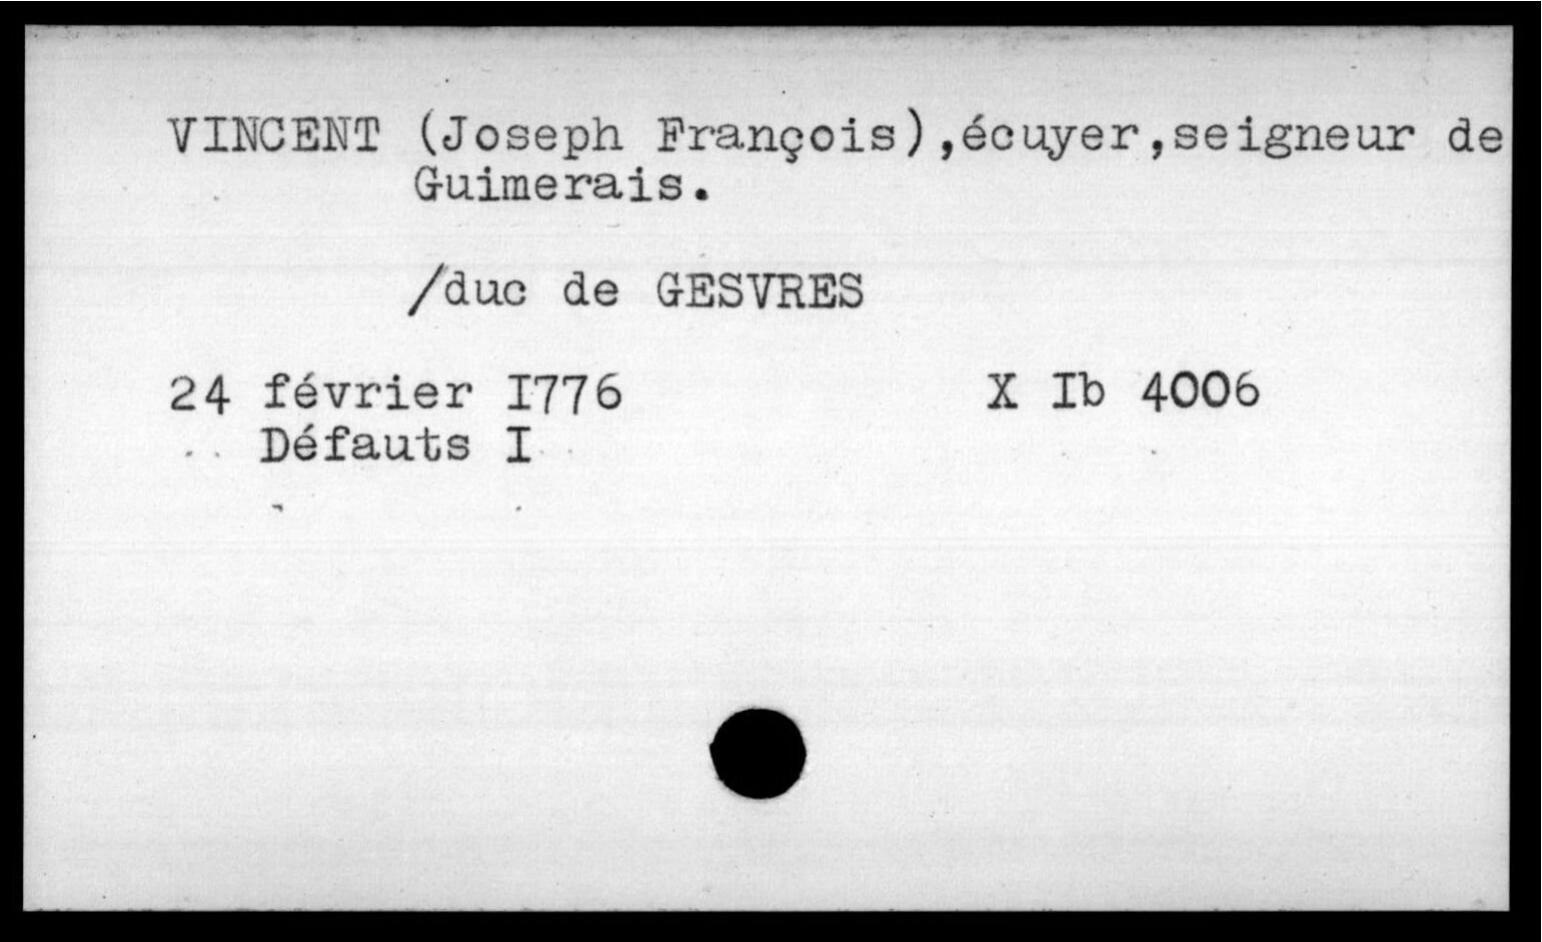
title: VINCENT (Joseph François), écuyer, seigneur de Guimerais
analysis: Contre duc de GESVRES
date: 24 février 1776
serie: X1b
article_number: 4006
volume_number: Défauts, 1
